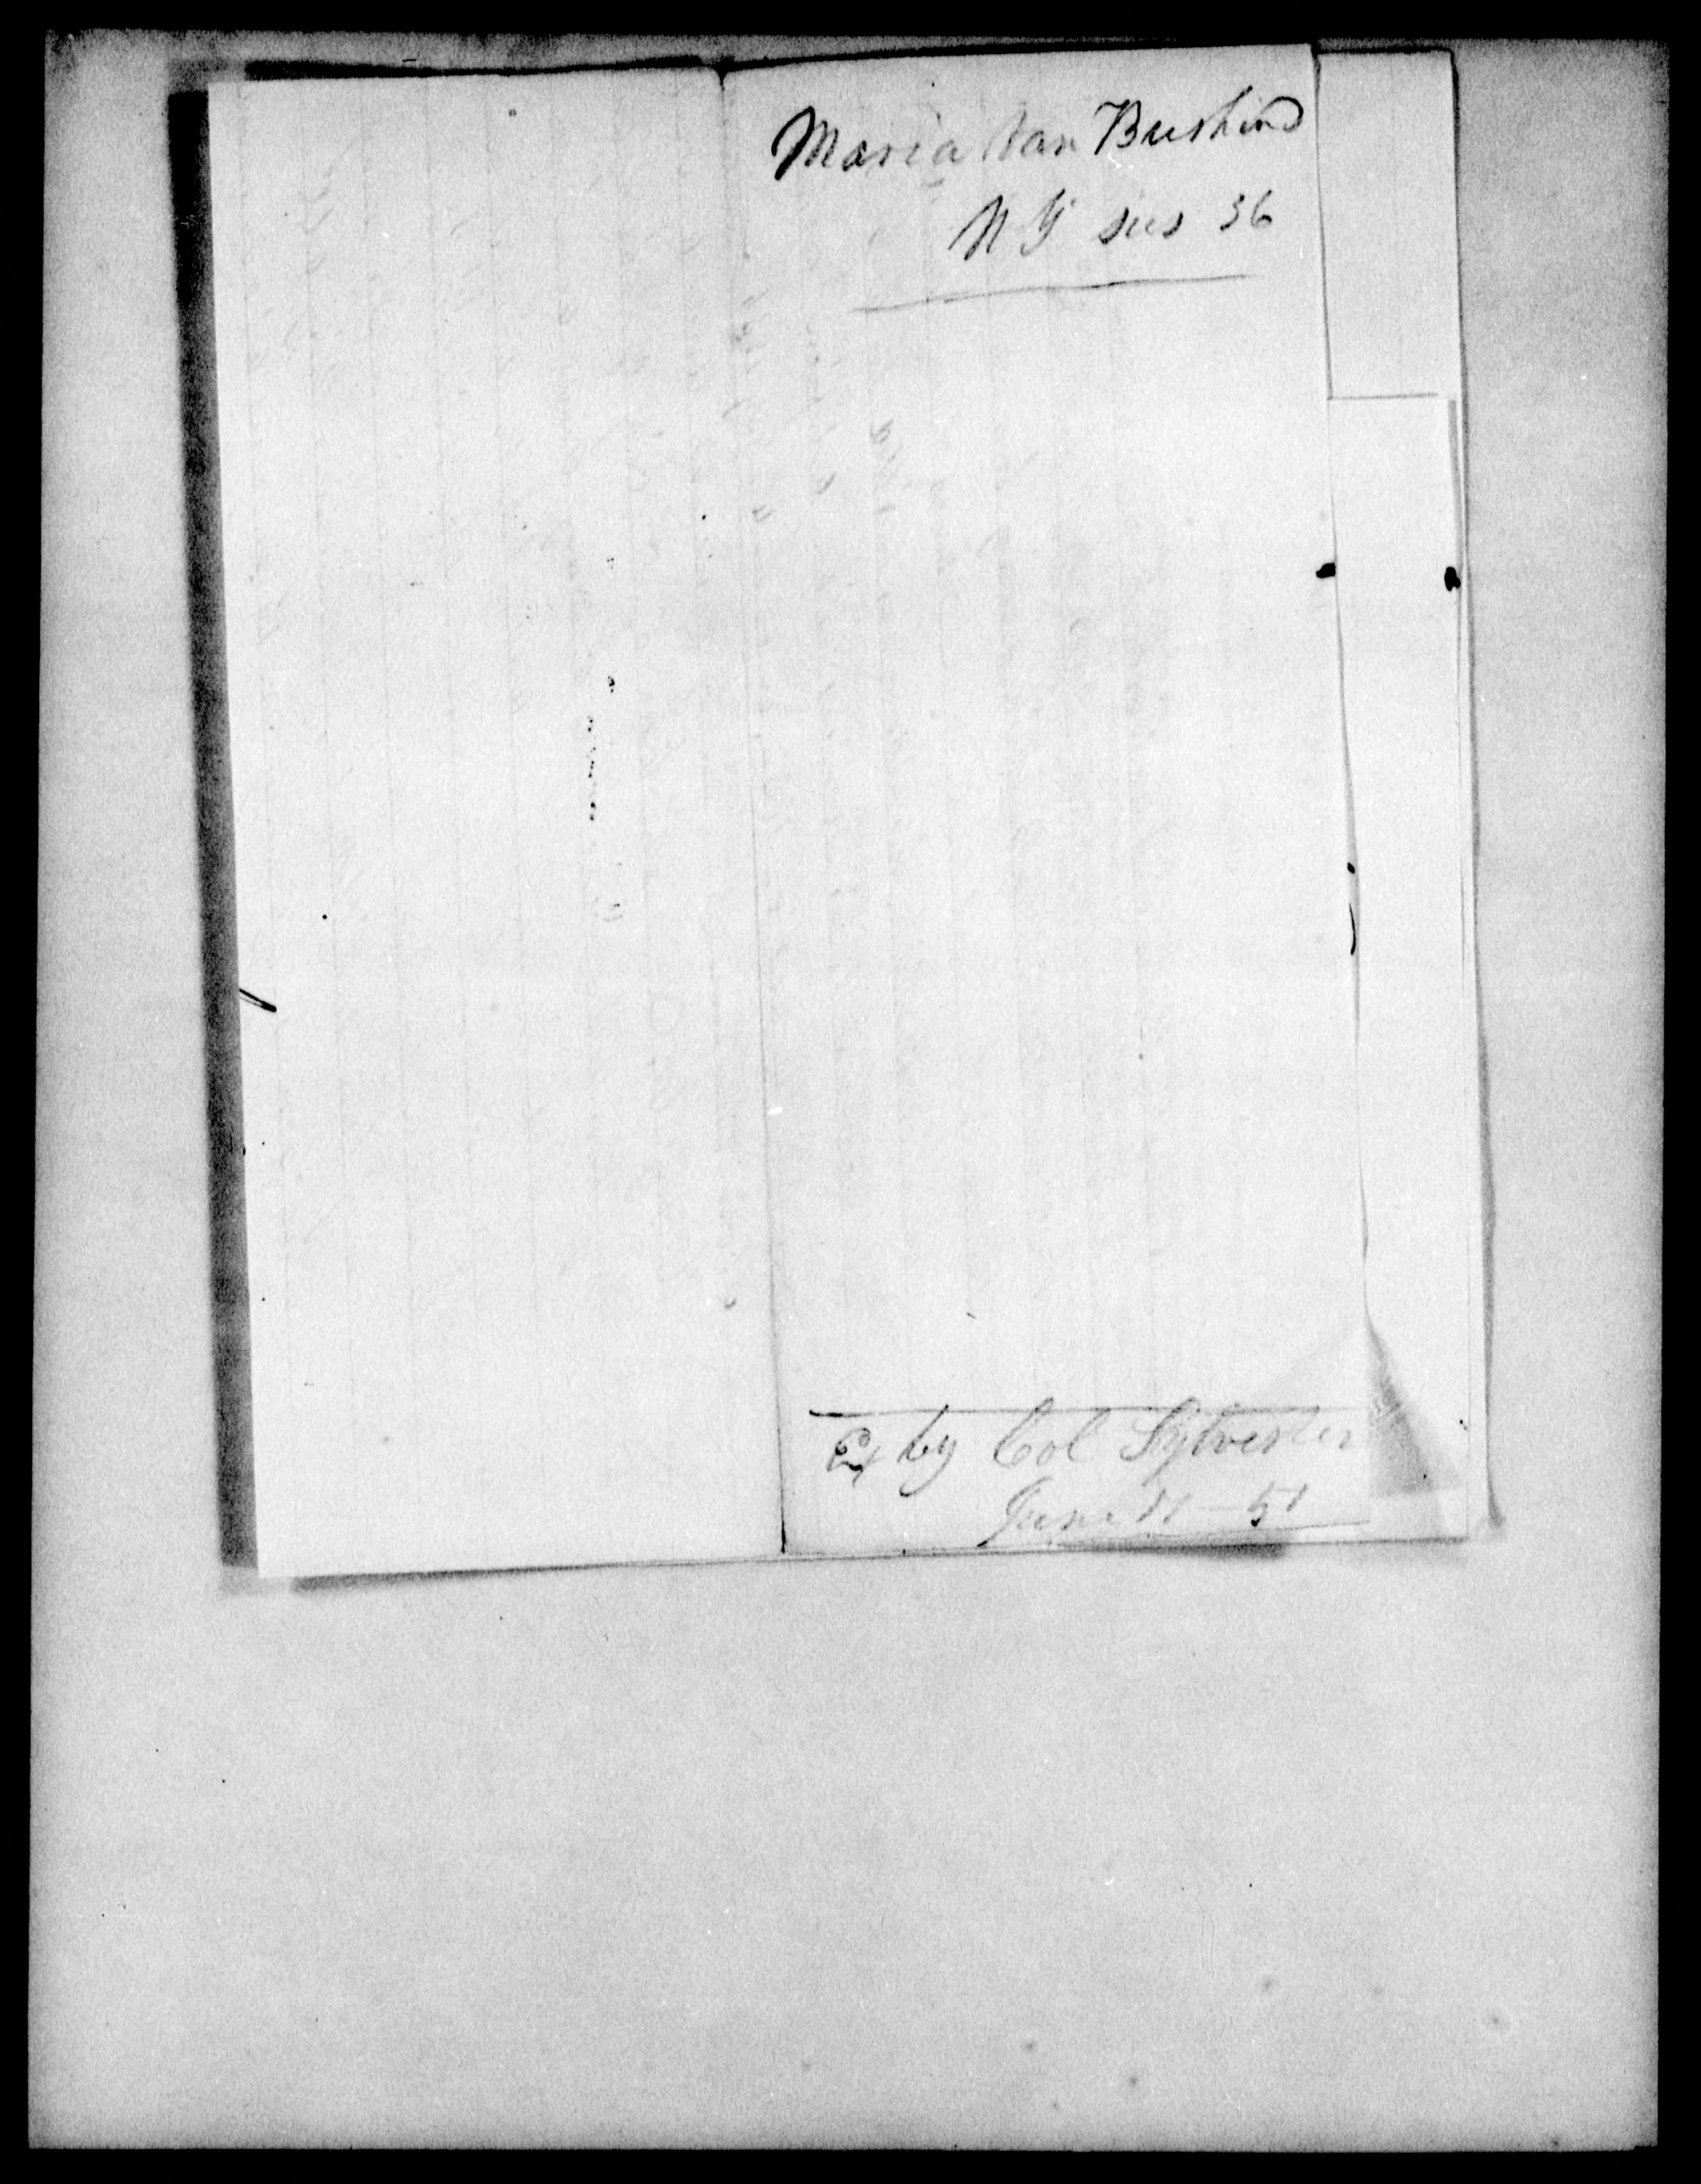Maria Van Buskirk
N Y sus 36

Ex by Col Sylvester
June 11  51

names: Maria Van Buskird, Sylvester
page: 68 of 70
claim: rejected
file: R. 10,832, Martin Van Buskirk, New York.